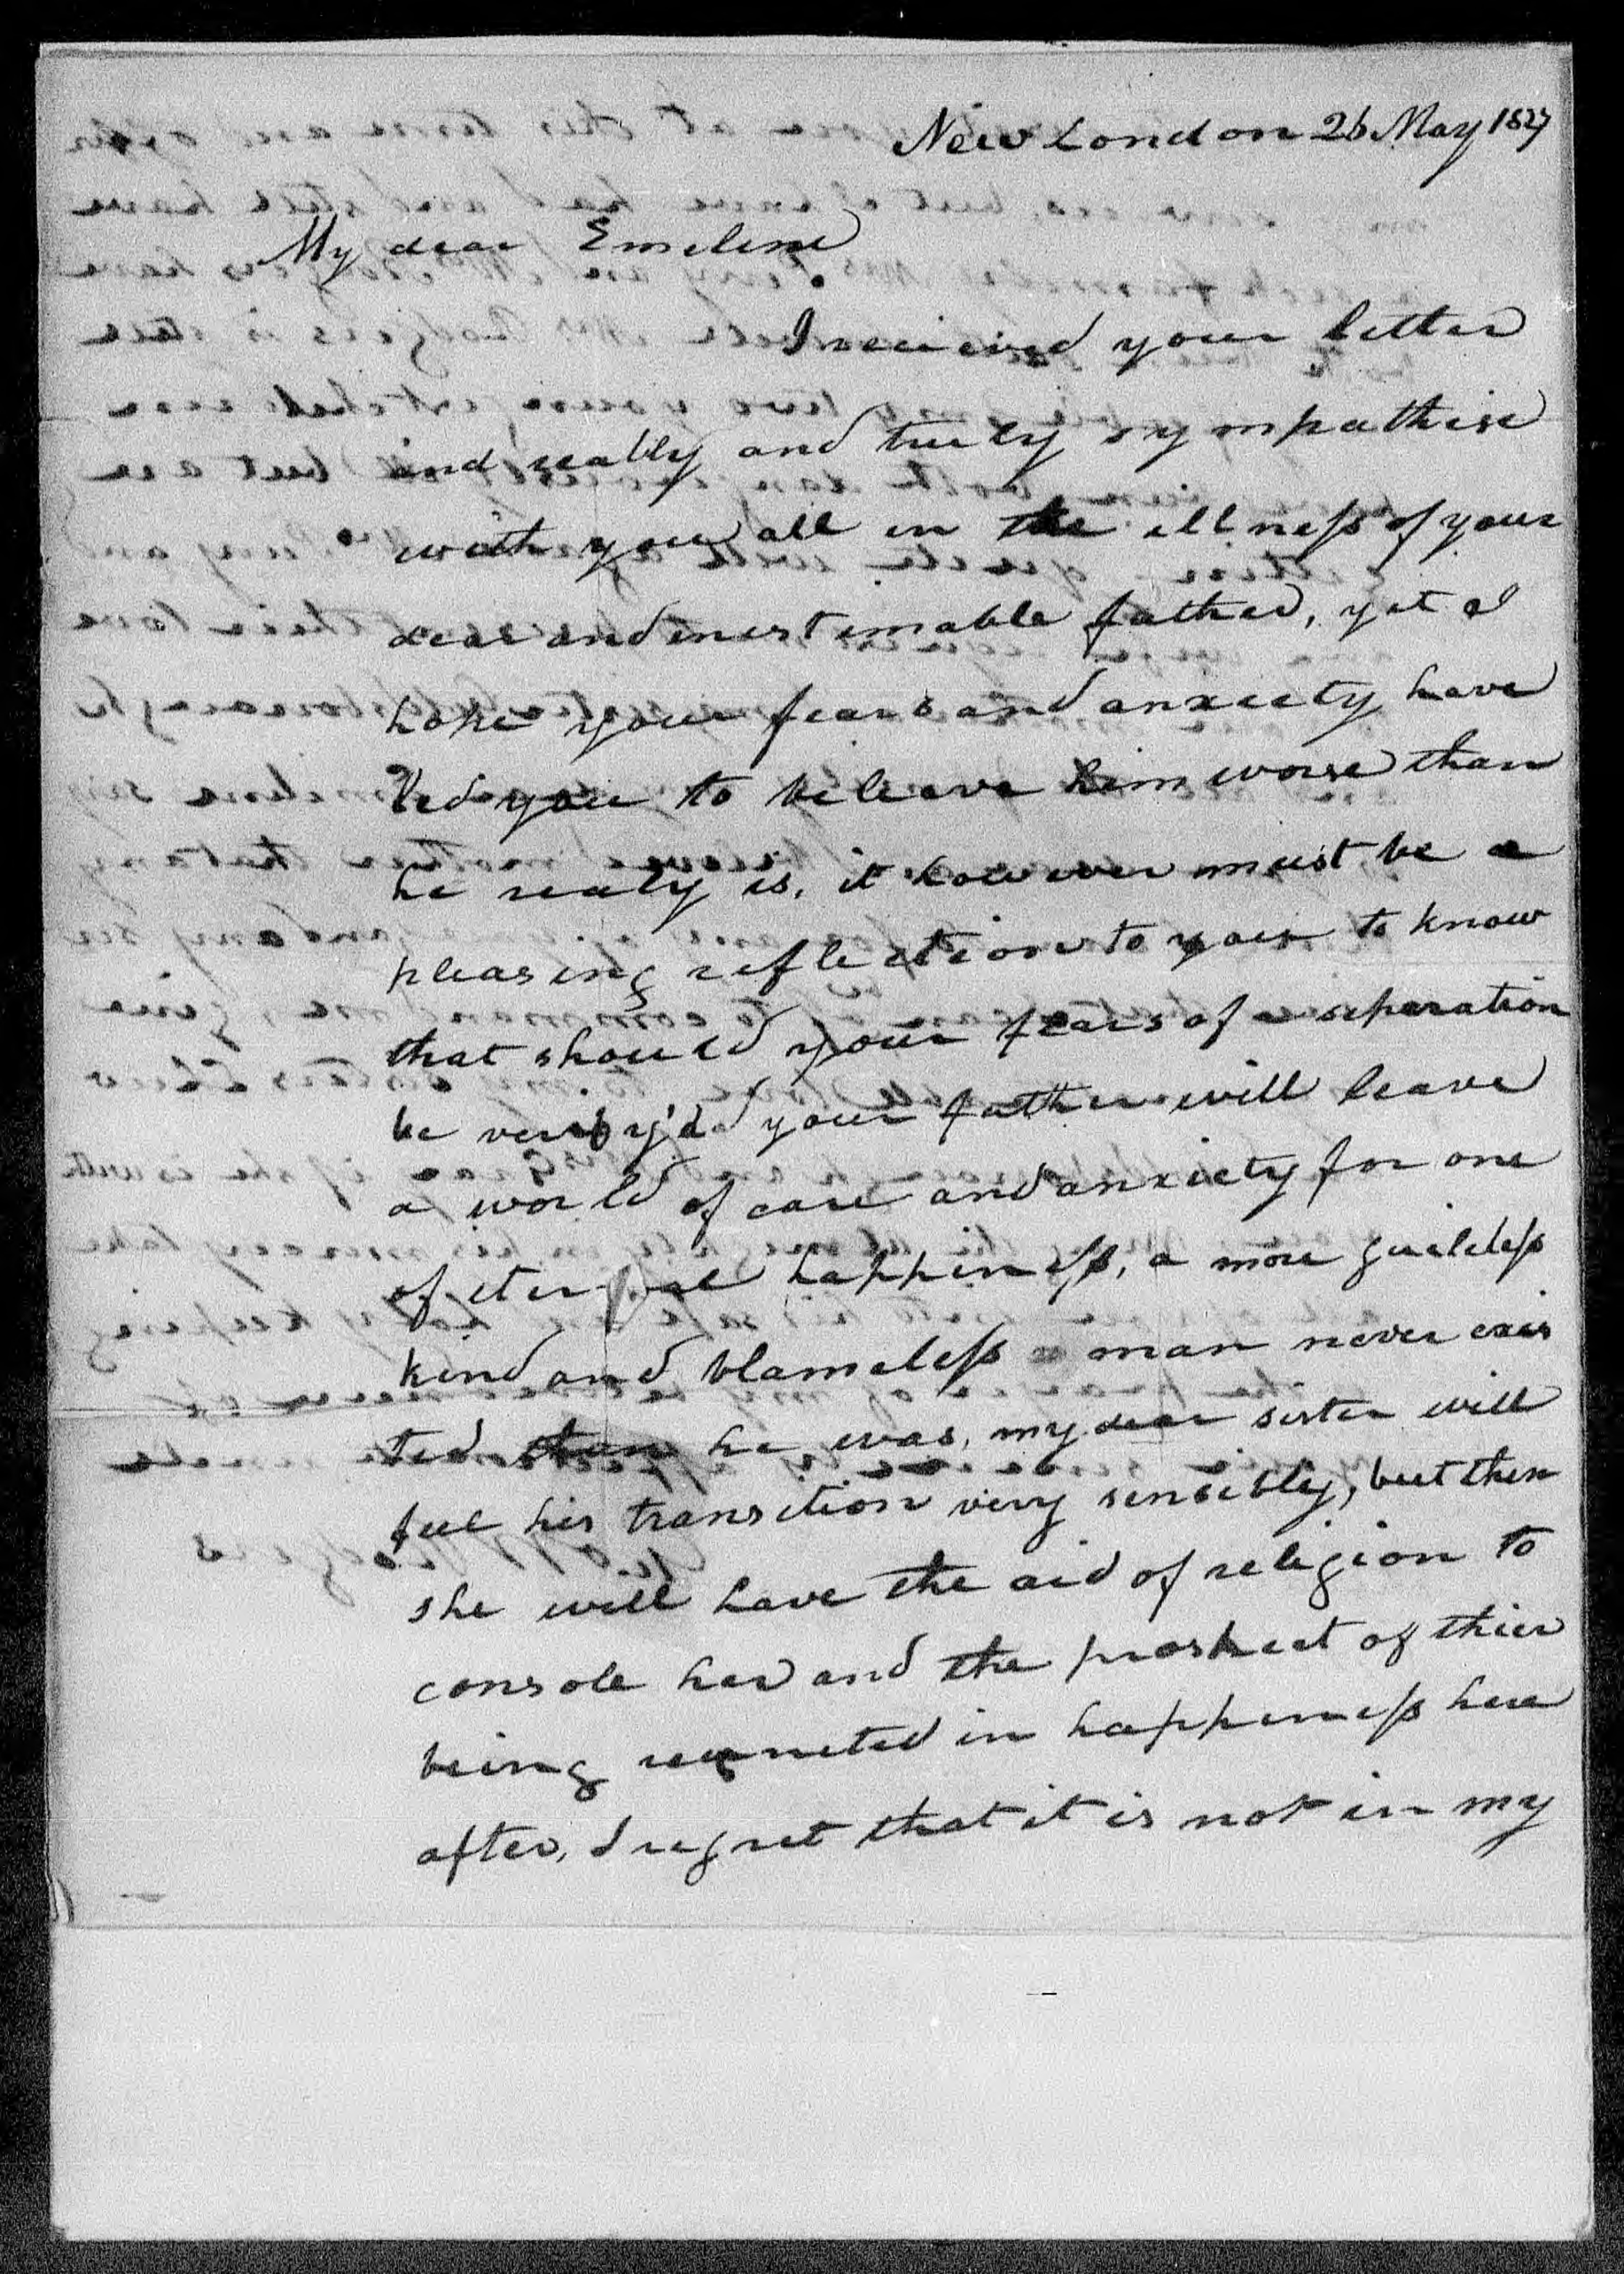New London 26 May 1827

My dear Emiline

I received your letter
and really and truly emphathize
with you all in the illness of your
dear and inestimable father, yet I
hope your fear and anxiety have
led you to believe him worse than
he really is. It however must be a
pleasing reflection to you to know
that should your fears of seperation
be verifyd your father will leave 
a world of care and anxiety for one
of eternal happiness, a more guileless
kind and blameless a man never exis-
ted than he was.  My dear sister will
feel his transition very sensibly, but then
she will have the aid of religion to
console her and the prospect of their
being reacquainted in happiness here
after. I regret that it is not in my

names: Emiline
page: 46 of 59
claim: widow's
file: W. 9383, Nathaniel Chew, Navy (Md.)